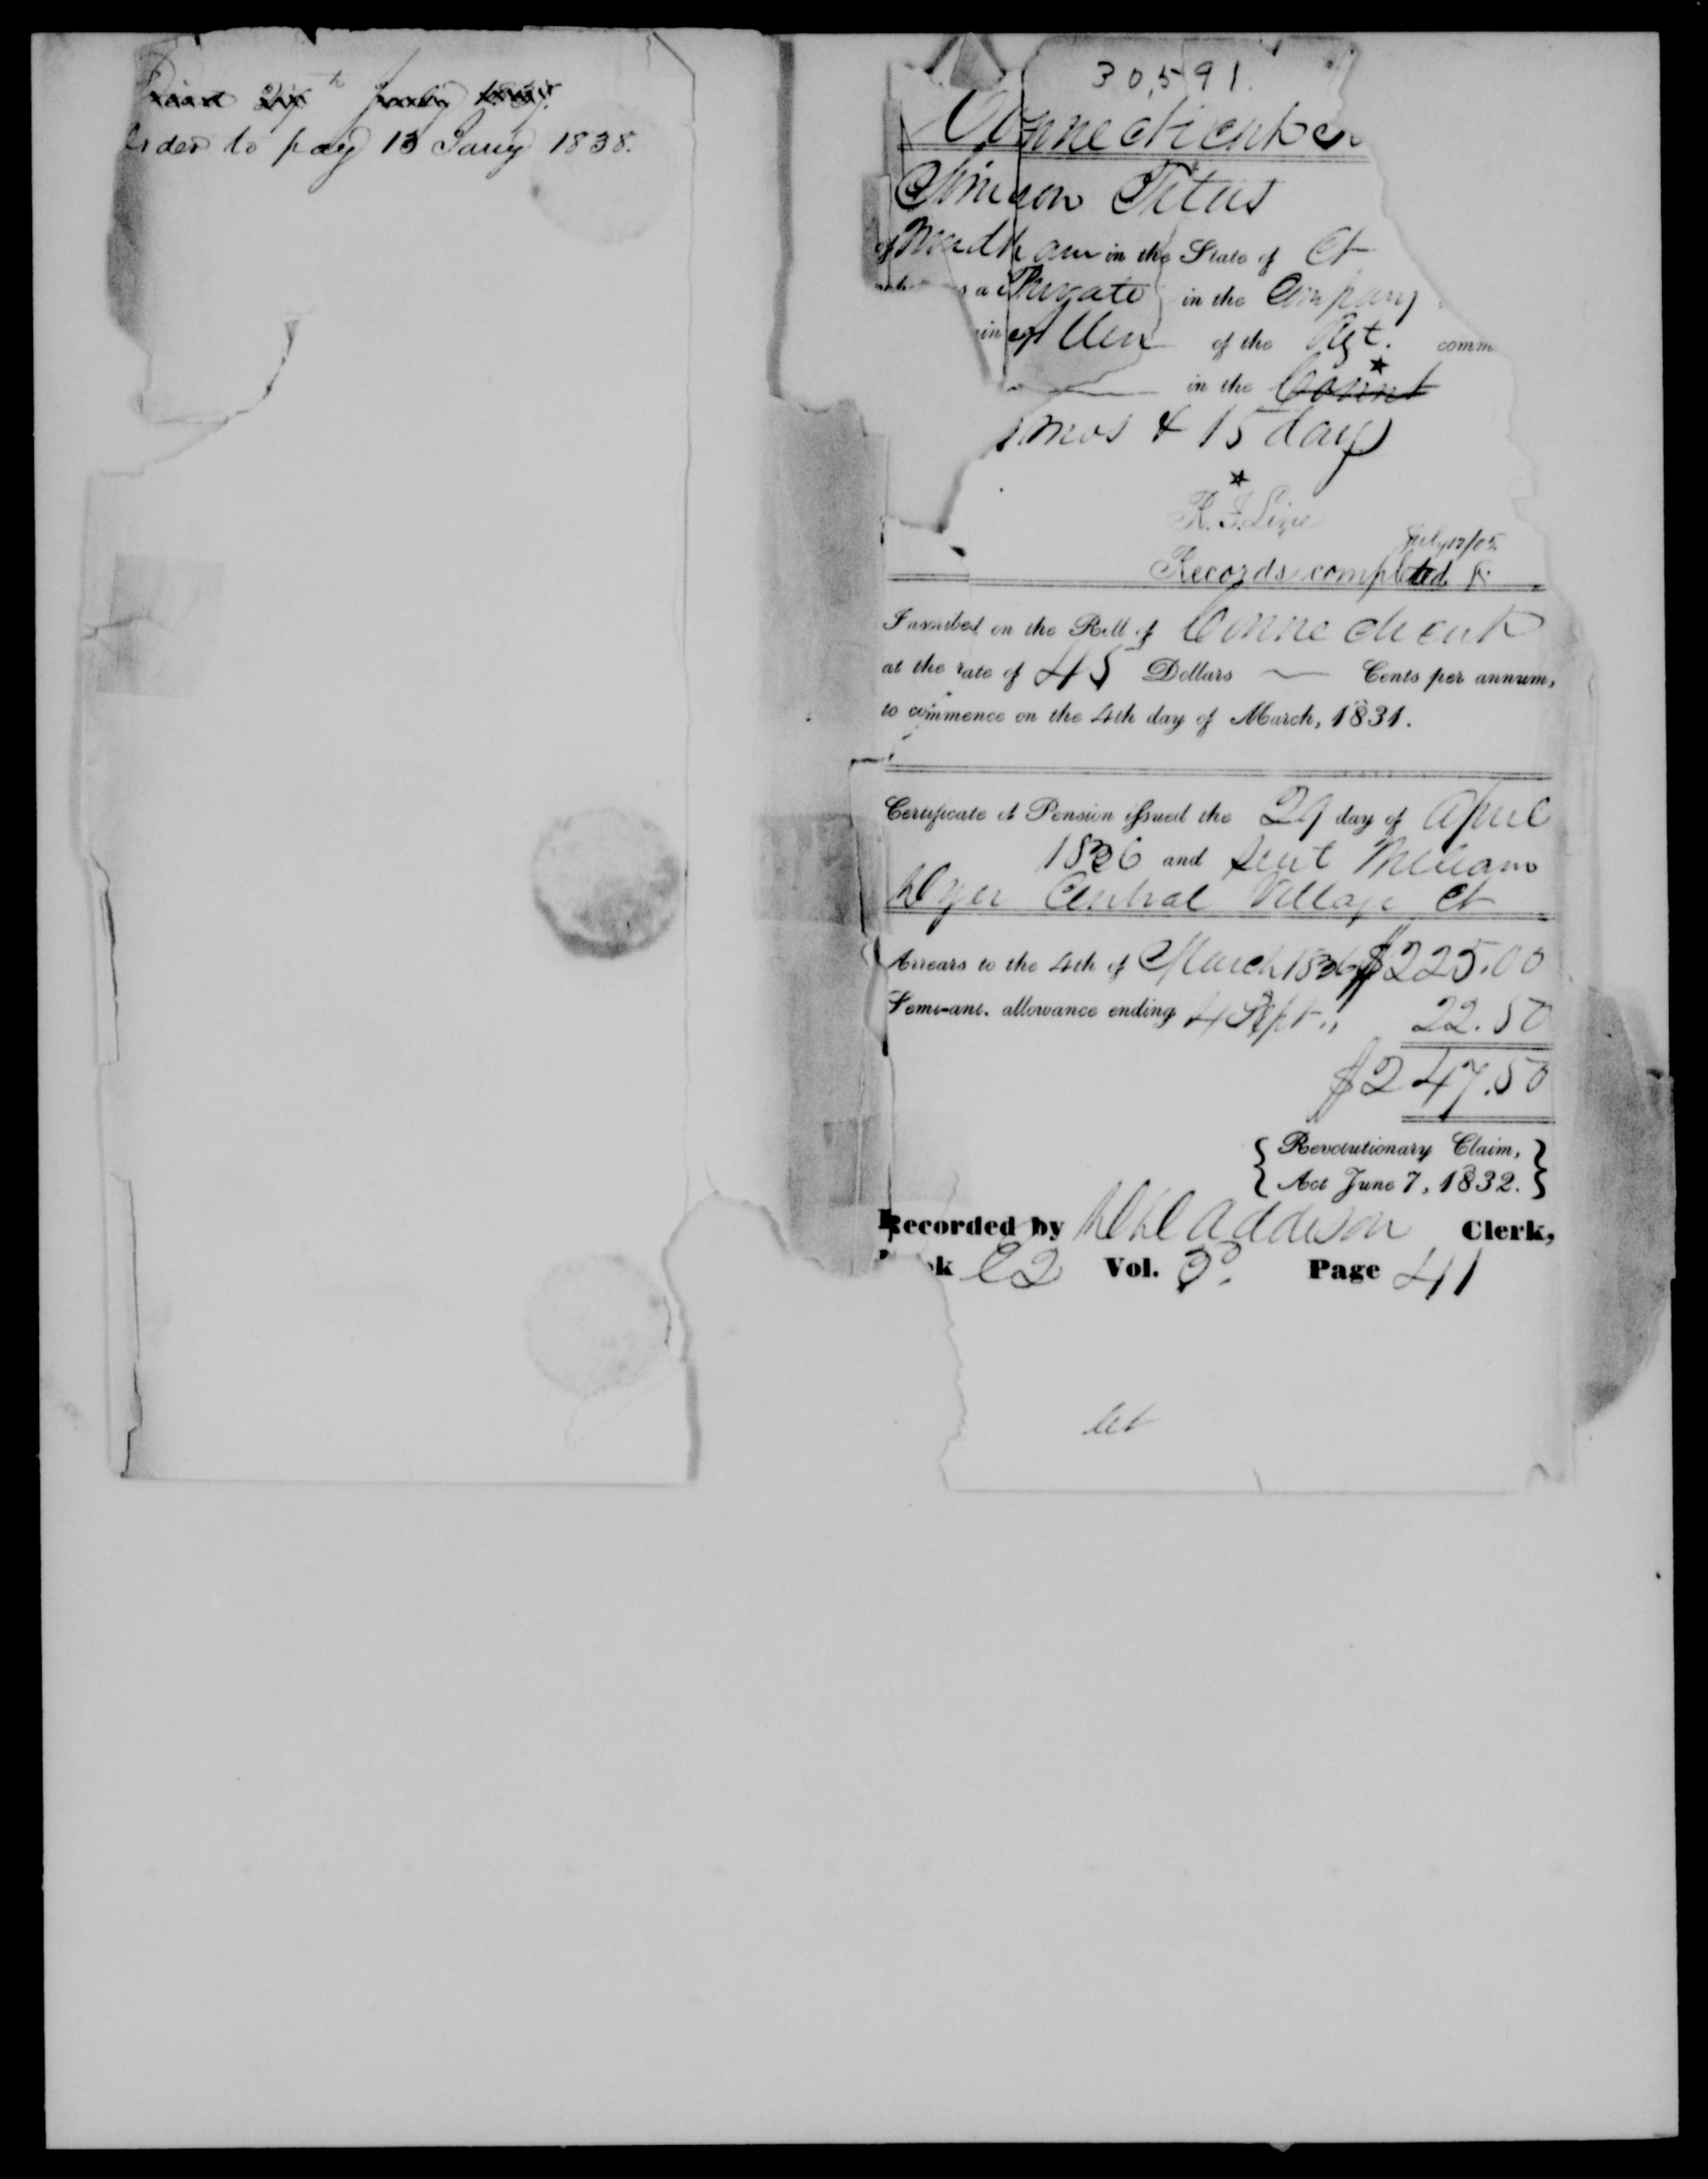[left side of page]

order to pay 13 Jany 1838.


[right side of page ]
[top of page torn off]

30591
Connecticut  ??
=========
Simeon Titus
of Windham in the State of Ct
?? a private in the Company of Allen of the Ray comm????
?? mos & 15 day
*R. I. Line
July 12/05
Records completed R.
==================
Inscribed on the Roll of Connecticut 
at the rate of 45 Dollars ---Cents per annum,
to commence on the 4th day of March, 1834.
========
Certificate of Pension issued on the 29 day of April 1836 and sent to William Dyer Central Village Ct
=============
Arrears to the 4th March 1836  $225.00
Semi-anl allowance ending 4 Sept "  22.50
======
$247.00
=======

{Revolutionary Claim,
Act June 7 , 1832}

Recorded by D D Addison Clerk,
Book E2    Vol. 3d    Page 41

let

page: 2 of 74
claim: survivor's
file: S. 11556, for Simeon Titus, Rhode Island